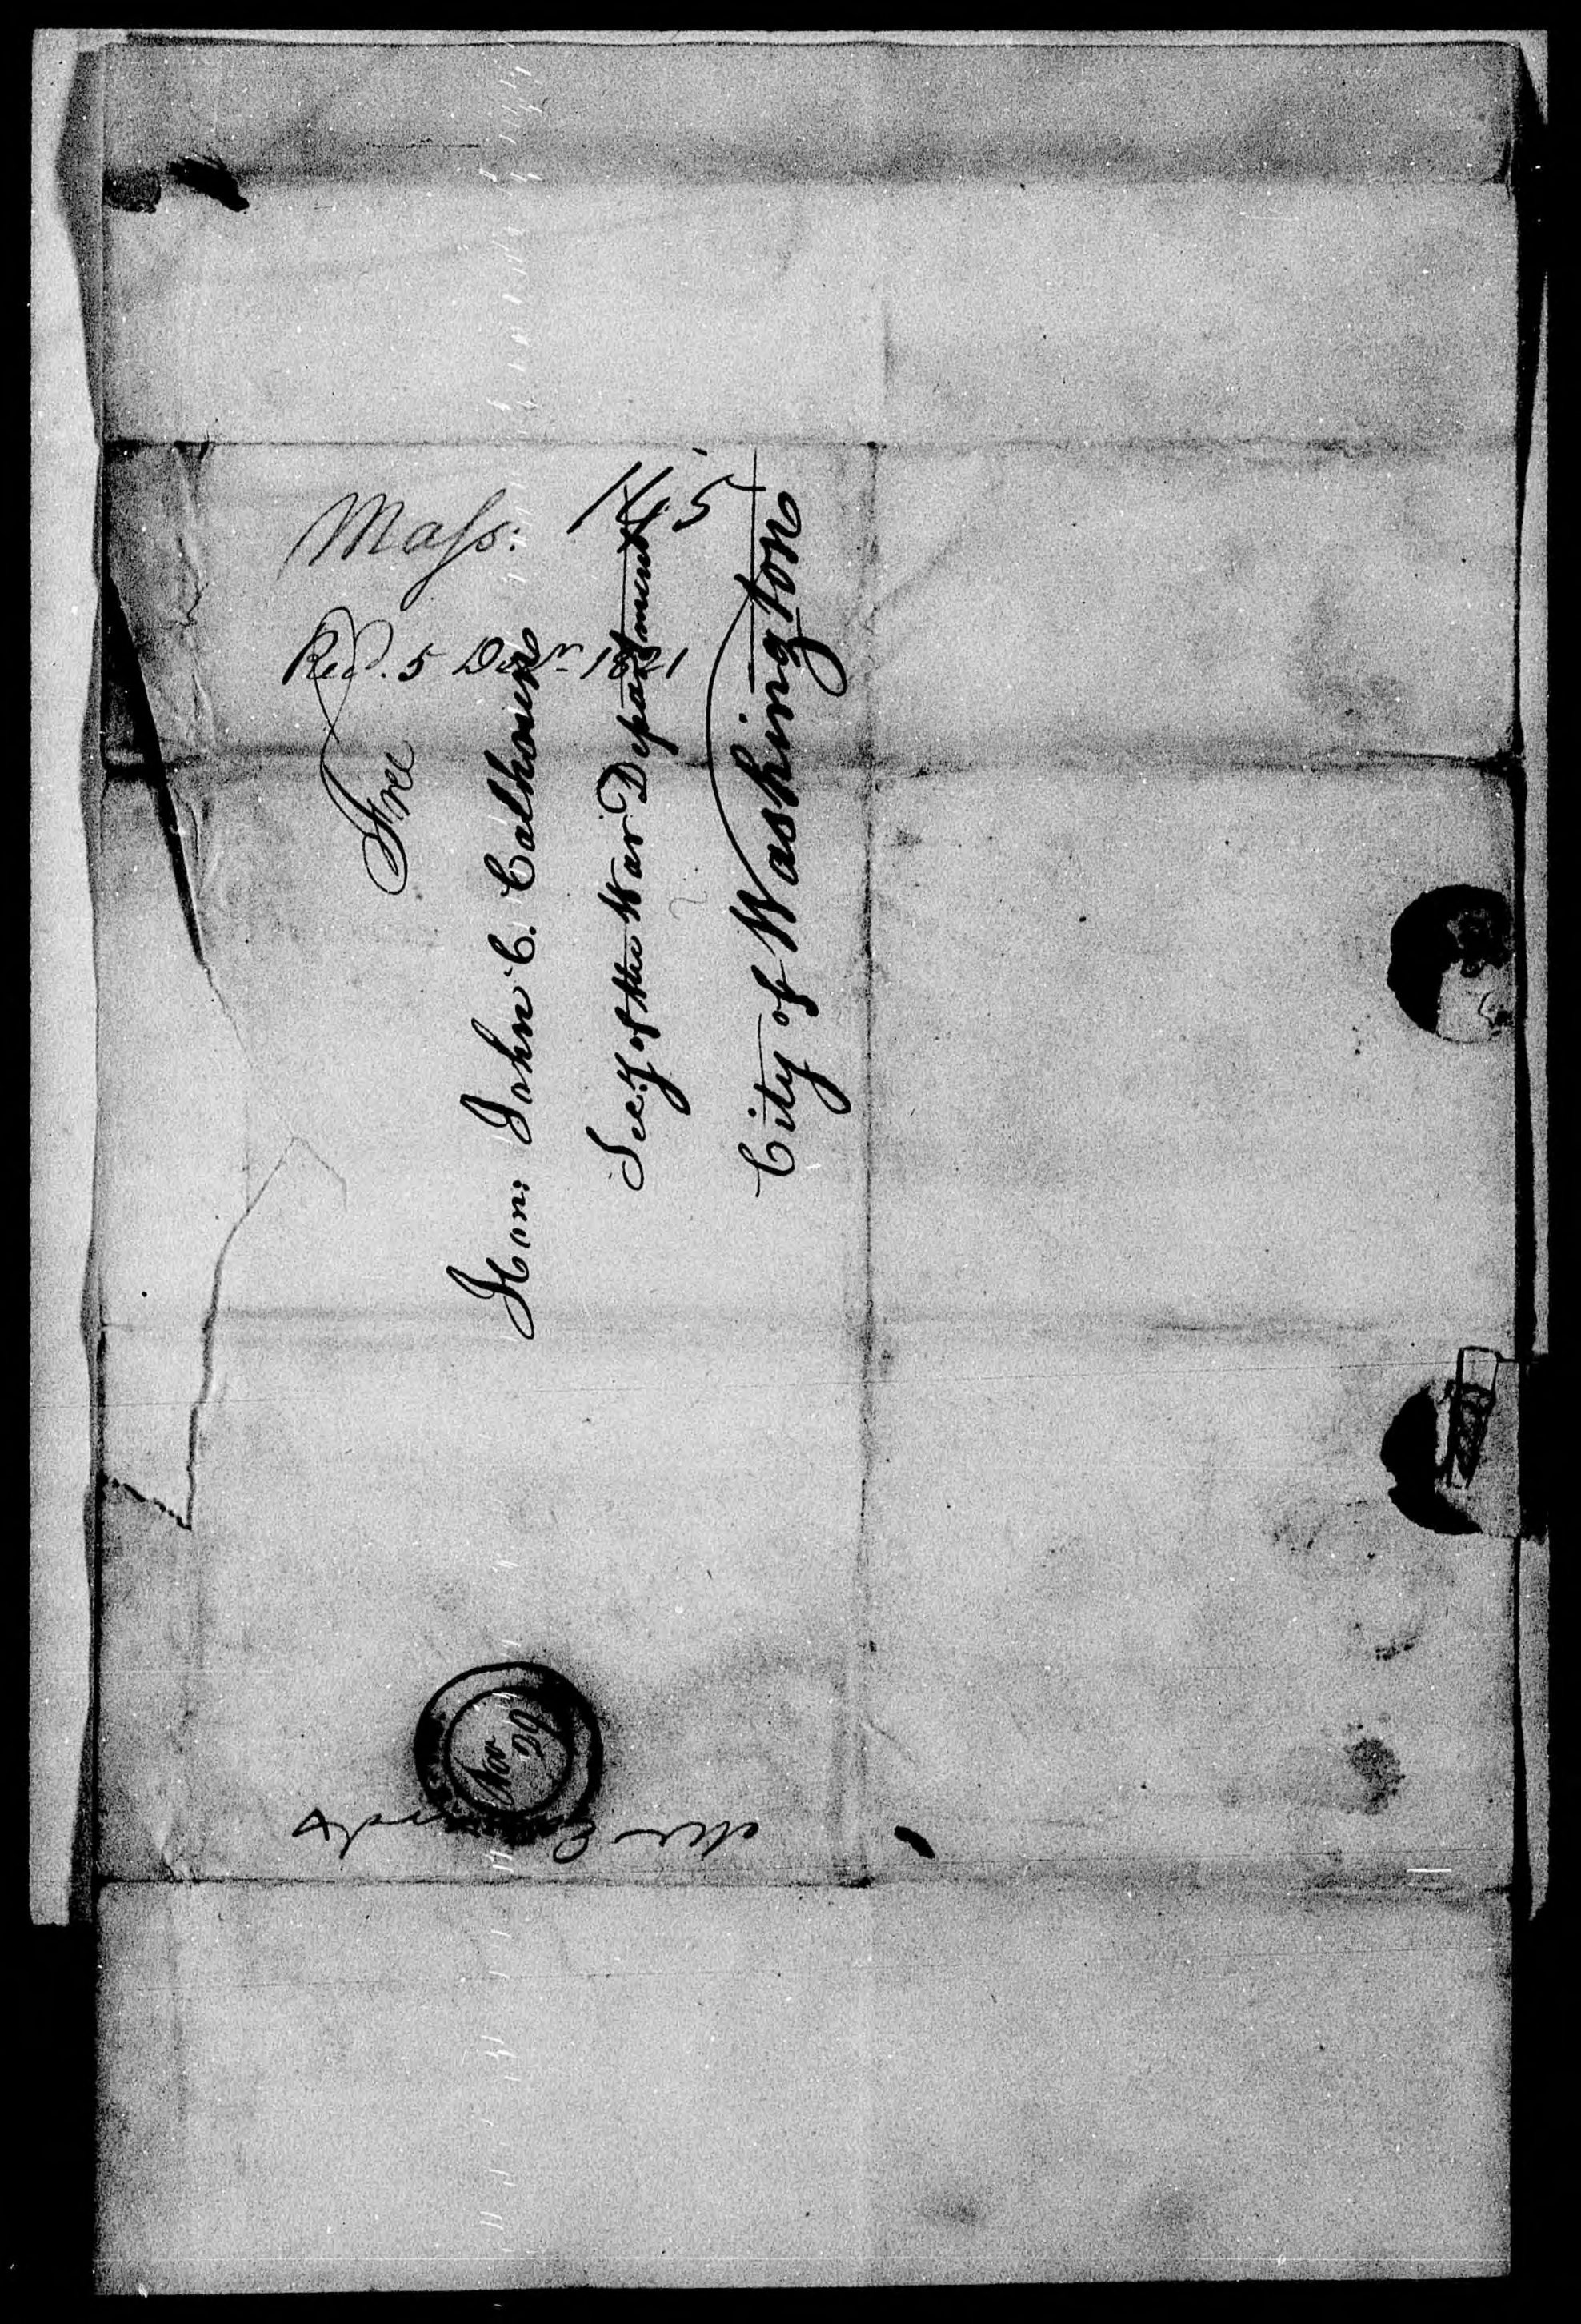(An addressed envelope.)

Free
Hon. John C. Calhoun
Secy. of the War Department
City of Washington

Mass. 145
Recd. 5 Dec. 1821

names: Edwards, John C Calhoun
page: 11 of 12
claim: survivor's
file: S. 32796, Adam Hamilton, Penn.